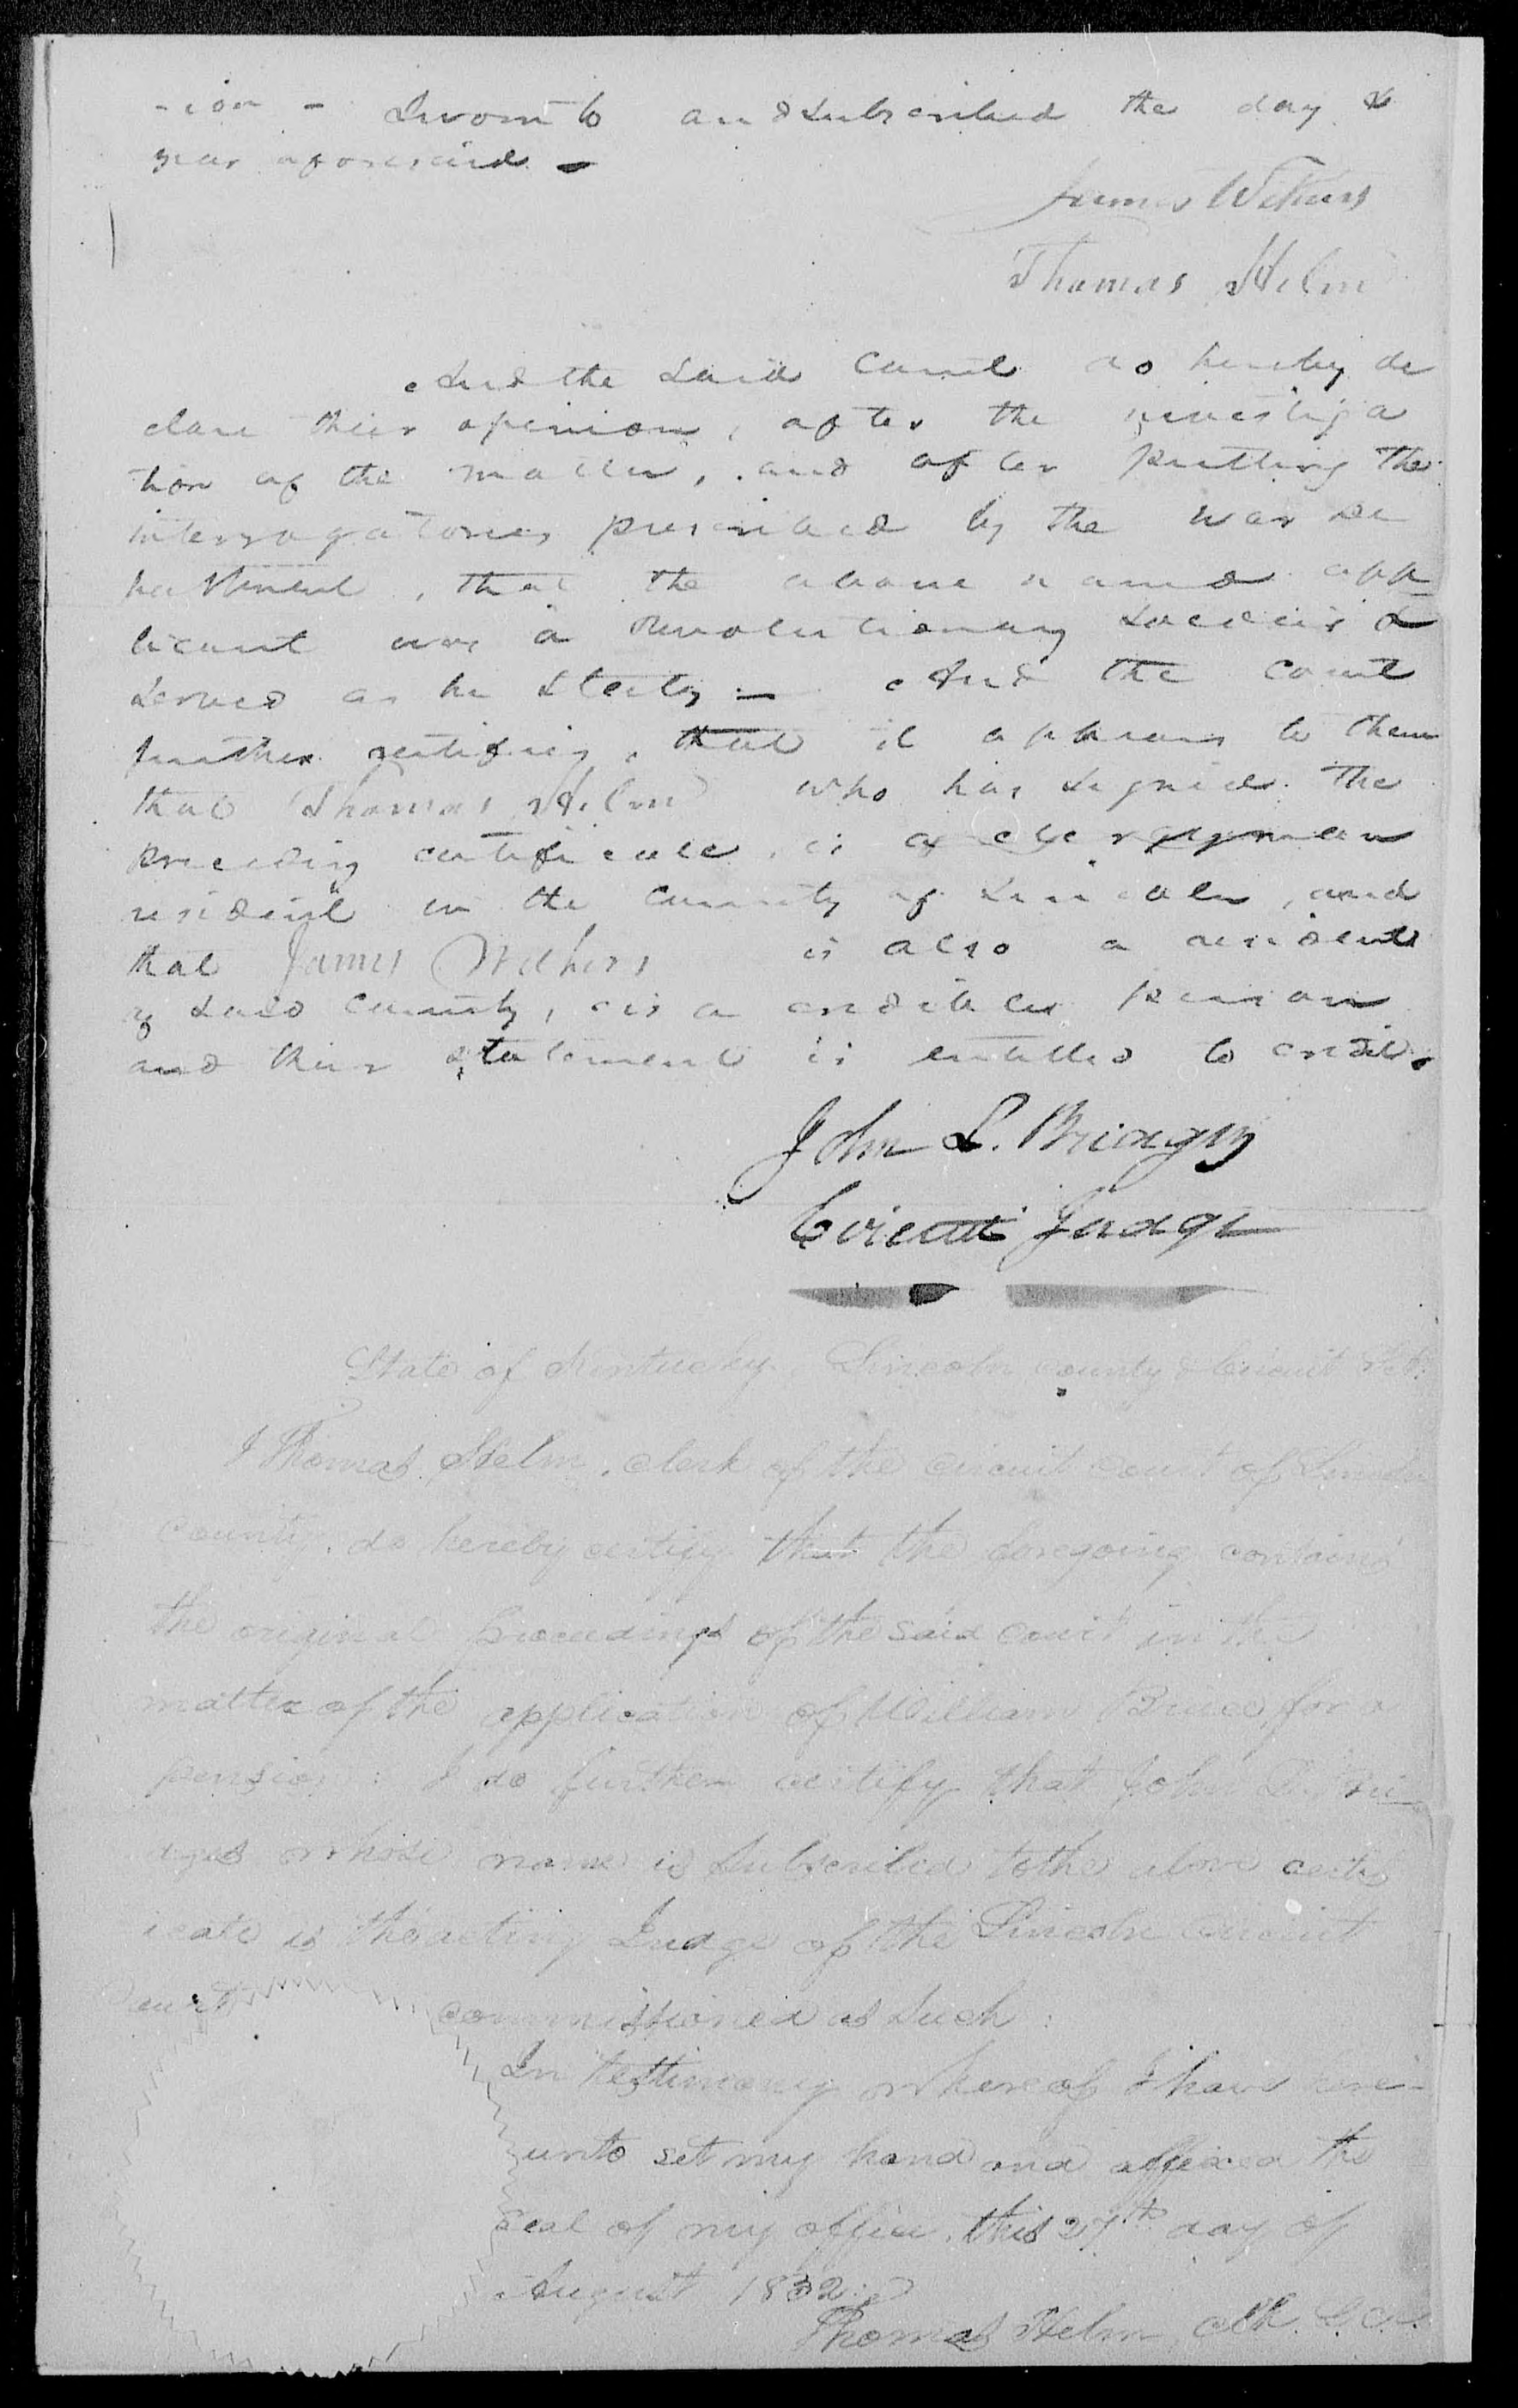-ion [opinion] Sworn to and subscribed the day & year aforesaid-
James Withers 
Thomas Helm 

And the said Court do hereby declare their opinion after the Investigation of the matter, and after putting the interrogatories prescribed by the war department, that the above named applicant was a Revolutionary soldier & served as he states. And the Court further certifies that it appears to them that Thomas Helm who has signed the preceding certificate is a Clergyman resident in the County of Lincoln and that James Withers is also a resident of said County, is a credible person and their statement is entitled to credit 
John L. Bridges 
Circuit Judge 

State of Kentucky Lincoln County & Circuit Court

I Thomas Helm, Clerk of the Circuit Court of Lincoln County do hereby certify that the foregoing contains the original proceedings of the said Court in the matter of the application of William Bruce for a Pension. I do further certify that John Bridges whose name is subscribed to the above certificate is the acting Judge of the Lincoln Circuit Court [duly] commissioned as such. 
In testimony whereof I have hereunto set my hand and affixed the seal of my office, this 27th day of August 1832 
Thomas Helm Clk [Clerk] L. Co.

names: Thomas Helm, John Bruce, John L Bridges, Thomas Helm, Thomas Helm, James Withers, William Bruce, James Withers, Thomas Helm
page: 7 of 54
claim: survivor's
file: S. 30287, William Bruce, N.C.